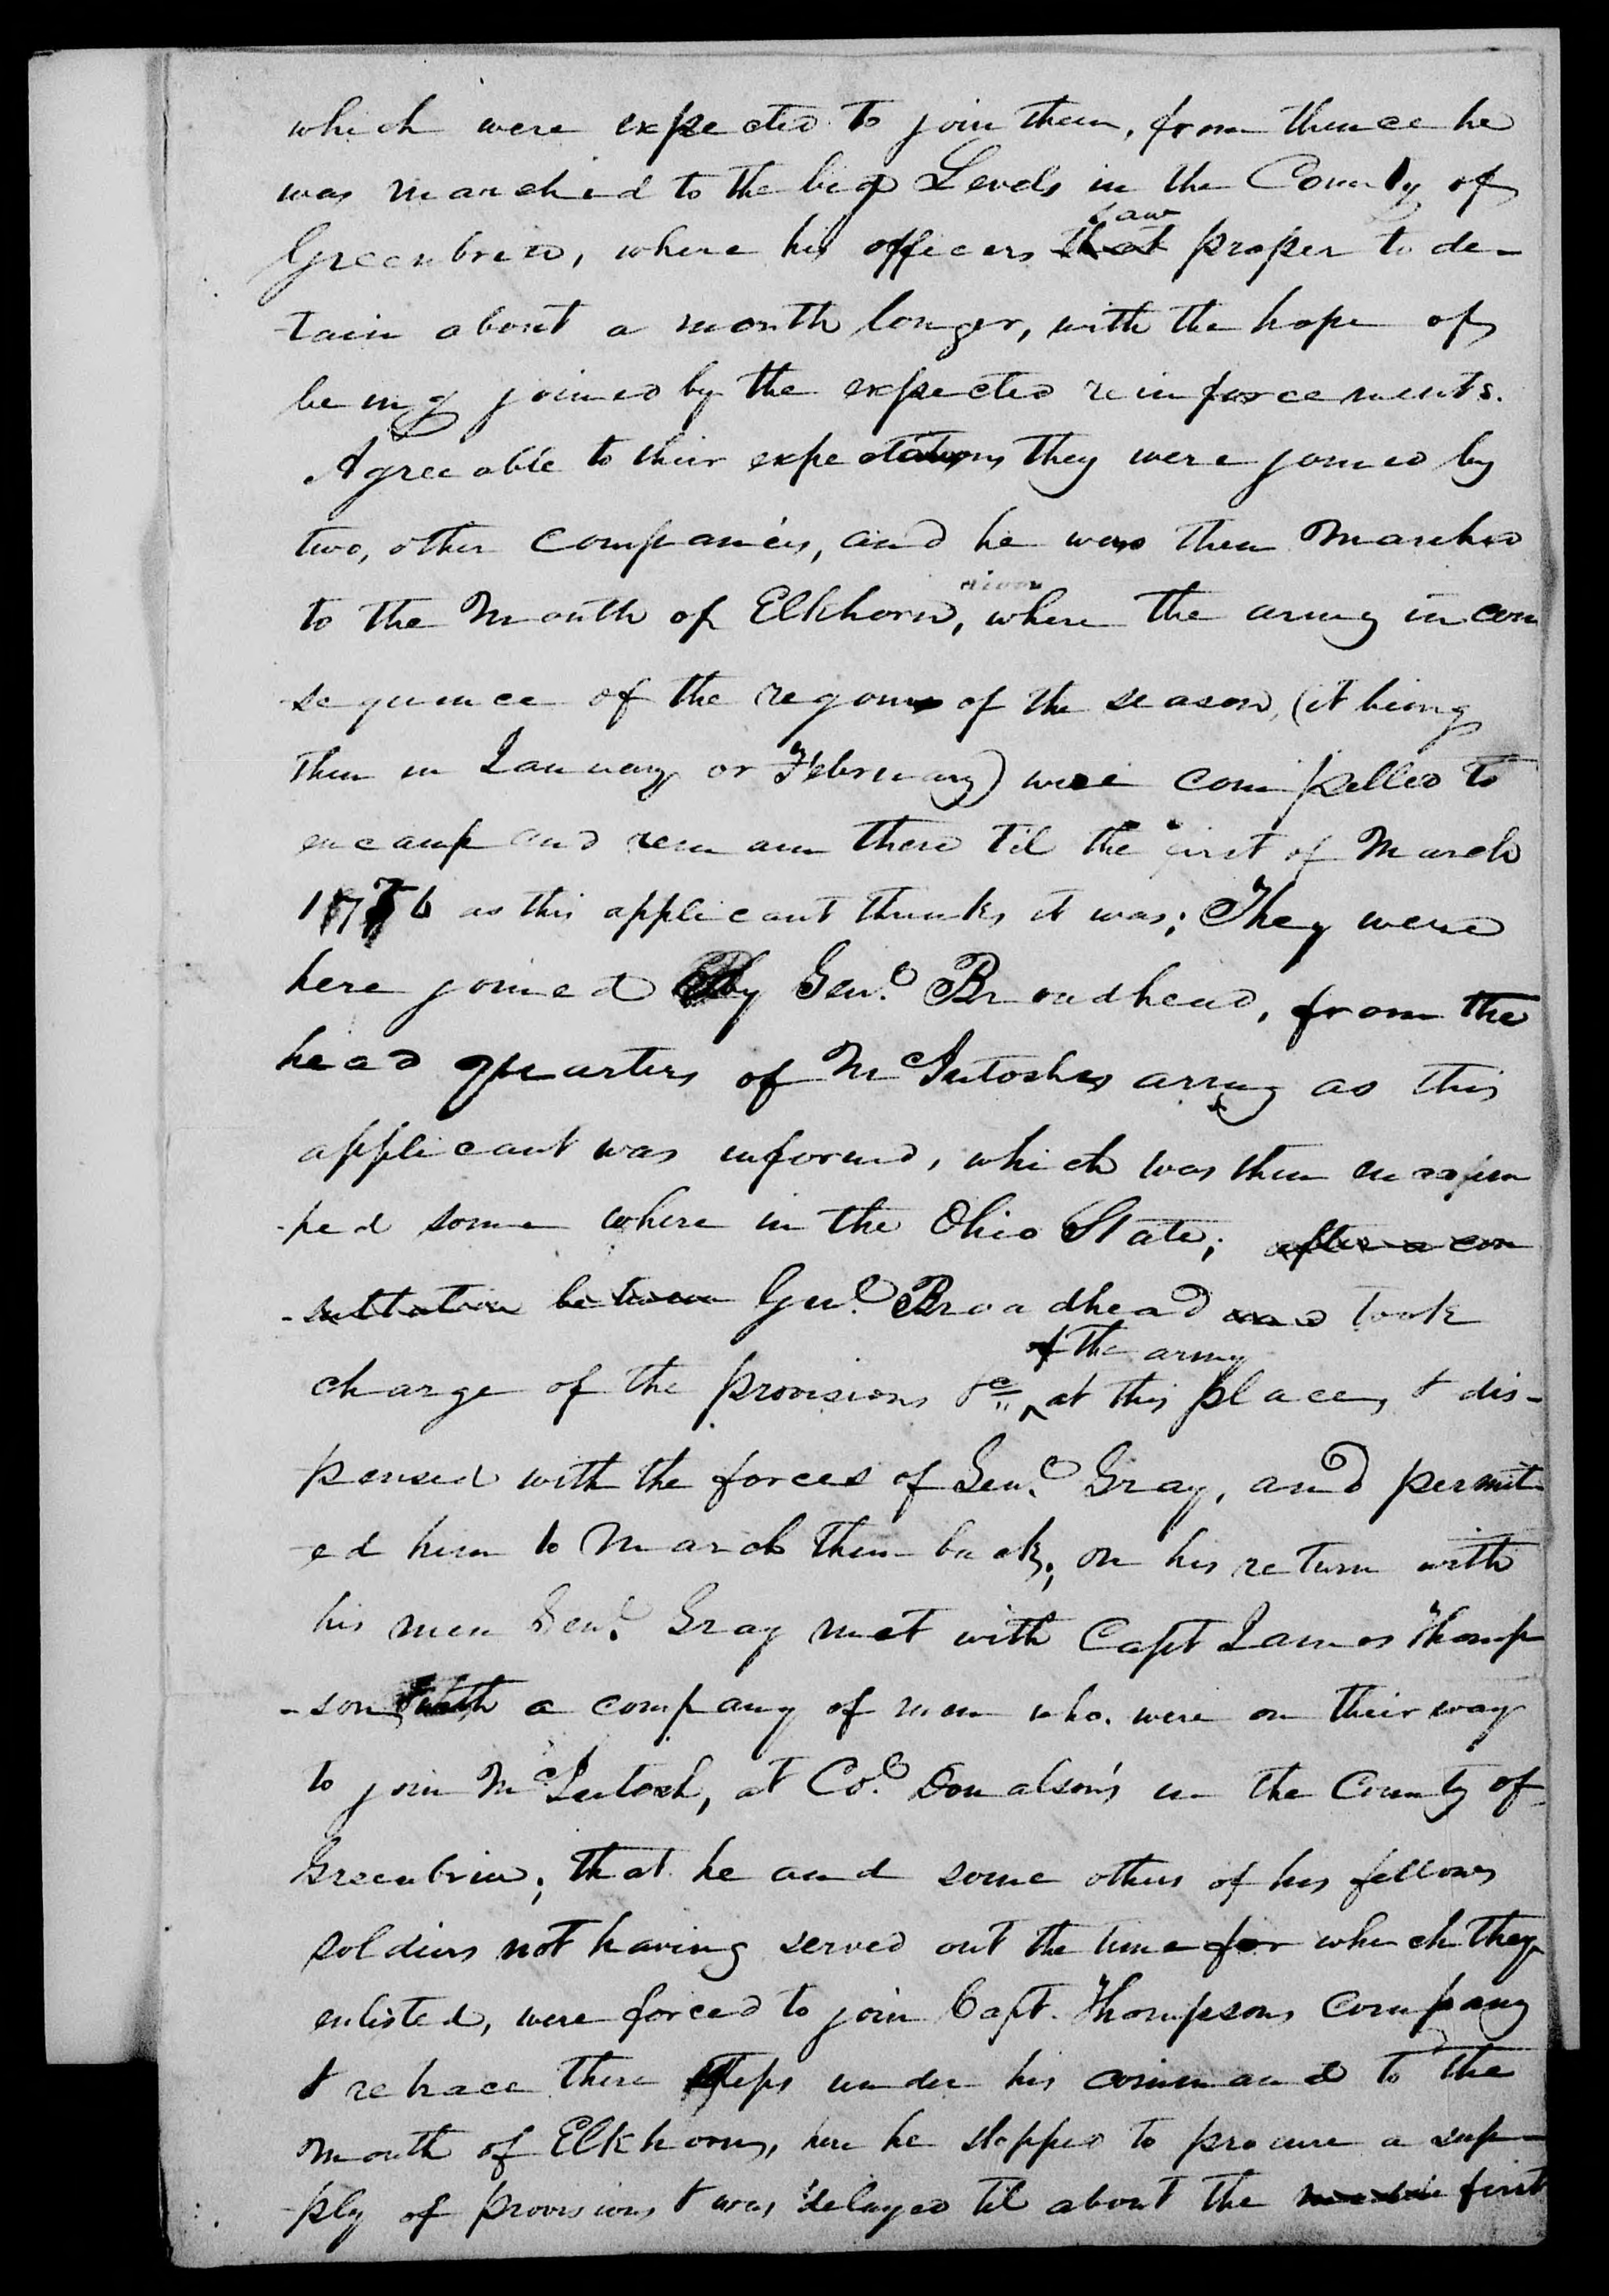which were expected to join them, from thence he was marched to the big Levels in the County of Greenbrier, where his officers saw proper to detain about a month longer, with the hope of being joined by the expected reinforcements.  Agreeable to their expectations they were joined by two other companies, and he was then marched to the Mouth of Elkhorn river, where the army in consequence of the region of the season, (it being then in January or February) were compelled to encamp and remain there til the first of March 1776 as this applicant thinks it was; They were here joined by Genl. Broadhead, from the headquarters of McIntosh's army as this applicant was informed, which was then [illegible] some where in Ohio State; Genl. Broadhead took charge of the provisions of the army at this place, & dispensed with the forces of Genl. Gray, and permitted him to march them back;  on his return with his men Genl. Gray met with Capt James Thompson a company of men who were on their way to join McIntosh, at Col. Donalson's in  the County of Greenbrier; that he  and some others of his fellow soldiers not having served out the time for which thy enlisted, were forced to join Capt. Thompson's company & retrace their steps under his command to the mouth of Elkhorn, here he stopped to procure a supply of provisions & was delayed til about the first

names: James Thompson; [BLANK] Broadhead; [BLANK] Mc Intosh; [BLANK] Gray; [BLANK] Donalson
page: 4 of 35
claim: survivor's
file: S. 30,665, for John Prewett, Virginia